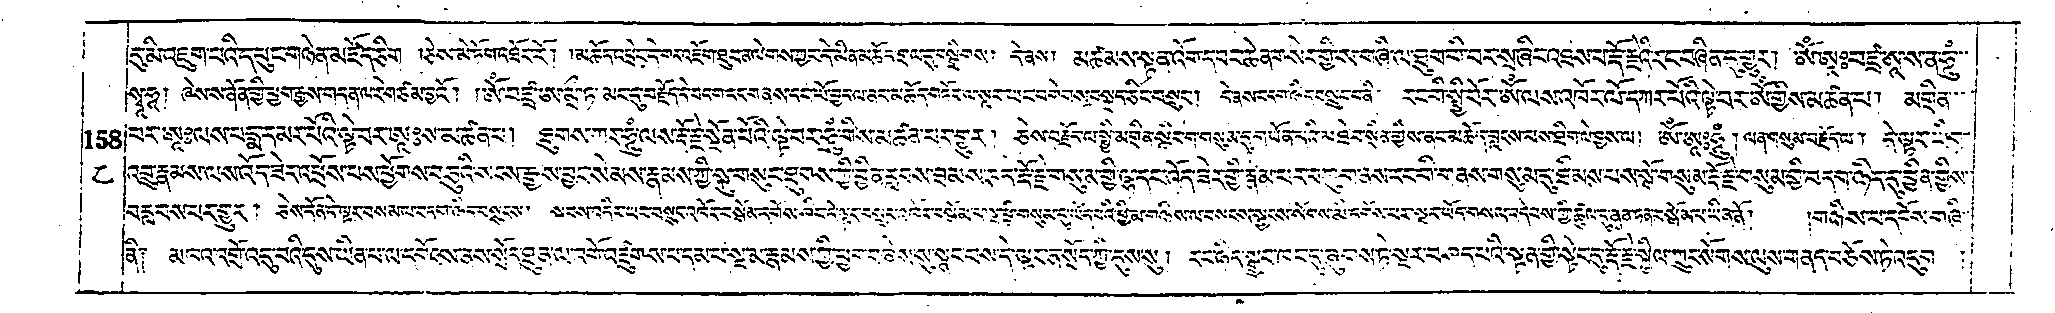དུ་མི་འཇུག་པའི་དཔུང་གཉེན་མཛོད་ཅིག །ཅེས་མེ་ཏོག་འཐོར་རོ། །མཆོད་འཕྲེང་དེ་གར་འཇོག་ཐུབ་ན་ལེགས་ཀྱང་དེ་མི་ན་མཆོད་གྲལ་དུ་བསྒྲིགས། དེ་ནས།  མཚམས་སྟན་འོག་དབང་ཆེན་གསེར་གྱི་ས་གཞི་ལ་ཐུག་གི་བར་སྲ་ཞིང་འཐས་པ་རྡོ་རྗེའི་རང་བཞིན་དུ་གྱུར། ཨོཾ་ཨཱཿ བཛྲ་ཨཱ་ས་ན་ཧཱུཾ་་་
སྭཱ་ཧཱ། ཞེས་ས་ནོན་གྱི་ཕྱག་རྒྱས་གདན་ལ་རེག་ཙམ་བྱའོ། །ཨོཾ་བཛྲ་ཨ་མྲྀ་ཏ་མང་དུ་བརྗོད་དེ་བདག་ངང་གནས་དང་ཡོ་བྱད་ལ་ནང་མཆོད་གཏོར་ལ་སླར་ཡང་བགེགས་བསྐྲད་ཅིང་བསྲུང་། དེ་ནས་བདག་ཉིད་བསྲུང་བ་ནི། རང་གི་སྤྱི་བོར་ཨོཾ་ལས་འཁོར་ལོ་དཀར་པོའི་ལྟེ་བར་ཨོཾ་གྱིས་མཚན་པ། མགྲིན་་་
པར་ཨཱཿ ལས་པདམ་དམར་པོའི་ལྟེ་བར་ཨཱཿ ས་མཚན་པ། ཐུགས་ཀར་ཧཱུཾ་ལས་རྡོ་རྗེ་སྔོན་པོའི་ལྟེ་བར་ཧཱུཾ་གིས་མཚན་པར་གྱུར། ཅེས་བརྗོད་ལ་སྤྱི་མགྲིན་སྙིང་ག་གསུམ་དུ་གཡོན་པའི་མཐེབ་སྲིན་གྱིས་ནང་མཆོད་བླངས་པས་ཐིག་ལེ་བྱས་ལ།  ཨོཾ་ཨཱཿཧཱུཾ། ལན་གསུམ་བརྗོད་ལ།  དེ་ལྟར་ཡིག་་་
འབྲུ་རྣམས་ལས་འོད་ཟེར་འཕྲོས་པས་ཕྱོགས་བཅུའི་སངས་རྒྱས་བྱང་སེམས་རྣམས་ཀྱི་སྐུ་གསུང་ཐུགས་ཀྱི་བྱིན་རླབས་ཐམས་ཅད་རྡོ་རྗེ་གསུམ་གྱི་ལྷ་དང་འོད་ཟེར་གྱི་རྣམ་པར་བཀུག་ནས་རང་གི་གནས་གསུམ་དུ་ཐིམས་པས་སྒོ་གསུམ་རྡོ་རྗེ་གསུམ་གྱི་བདག་ཉིད་དུ་བྱིན་གྱིས་
བརླབས་པར་གྱུར། ཅེས་དོན་དེ་ལྟར་བསམ་ལ་བདག་ཉིད་བསྲུངས། སྐབས་འདིར་ཡང་བསྲུང་འཁོར་བསྒོམ་དགོས་ཤིང་དེ་ལྟར་བསྲུང་འཁོར་བསྒོམ་པ་ལྔ་ཕྱི་གསུམ་དུ་ཡོད་པའི་ཕྱི་མ་གཉིས་ལ་བསངས་སྦྱངས་སོགས་མི་དགོས་པར་སྔར་ཡོད་གསལ་འདེབས་ཀྱི་ཚུལ་དུ་ནན་ཏན་བསྒོམ་པ་ཡིན་ནོ།  །གཉིས་པ་དངོས་གཞི་
ནི༑ མཁའ་འགྲོ་འདུ་བའི་དུས་ཡིན་པ་ལ་དགོངས་ནས་སྲོད་ཐུན་ལ་འགོ་འཛུགས་པ་དམ་པ་སྔ་མ་རྣམས་ཀྱི་ཕྱག་བཞེས་སུ་སྣང་བས་དེ་ལྟར་ན་སྲོད་ཀྱི་དུས་སུ། རང་ཉིད་སྒྲུབ་ཁང་དུ་ཞུགས་ཏེ་སྔར་བཤད་པའི་སྟན་གྱི་སྟེང་དུ་རྡོ་རྗེ་སྐྱིལ་ཀྲུང་སོགས་ལུས་གནད་བཅོས་ཏེ་འདུག།